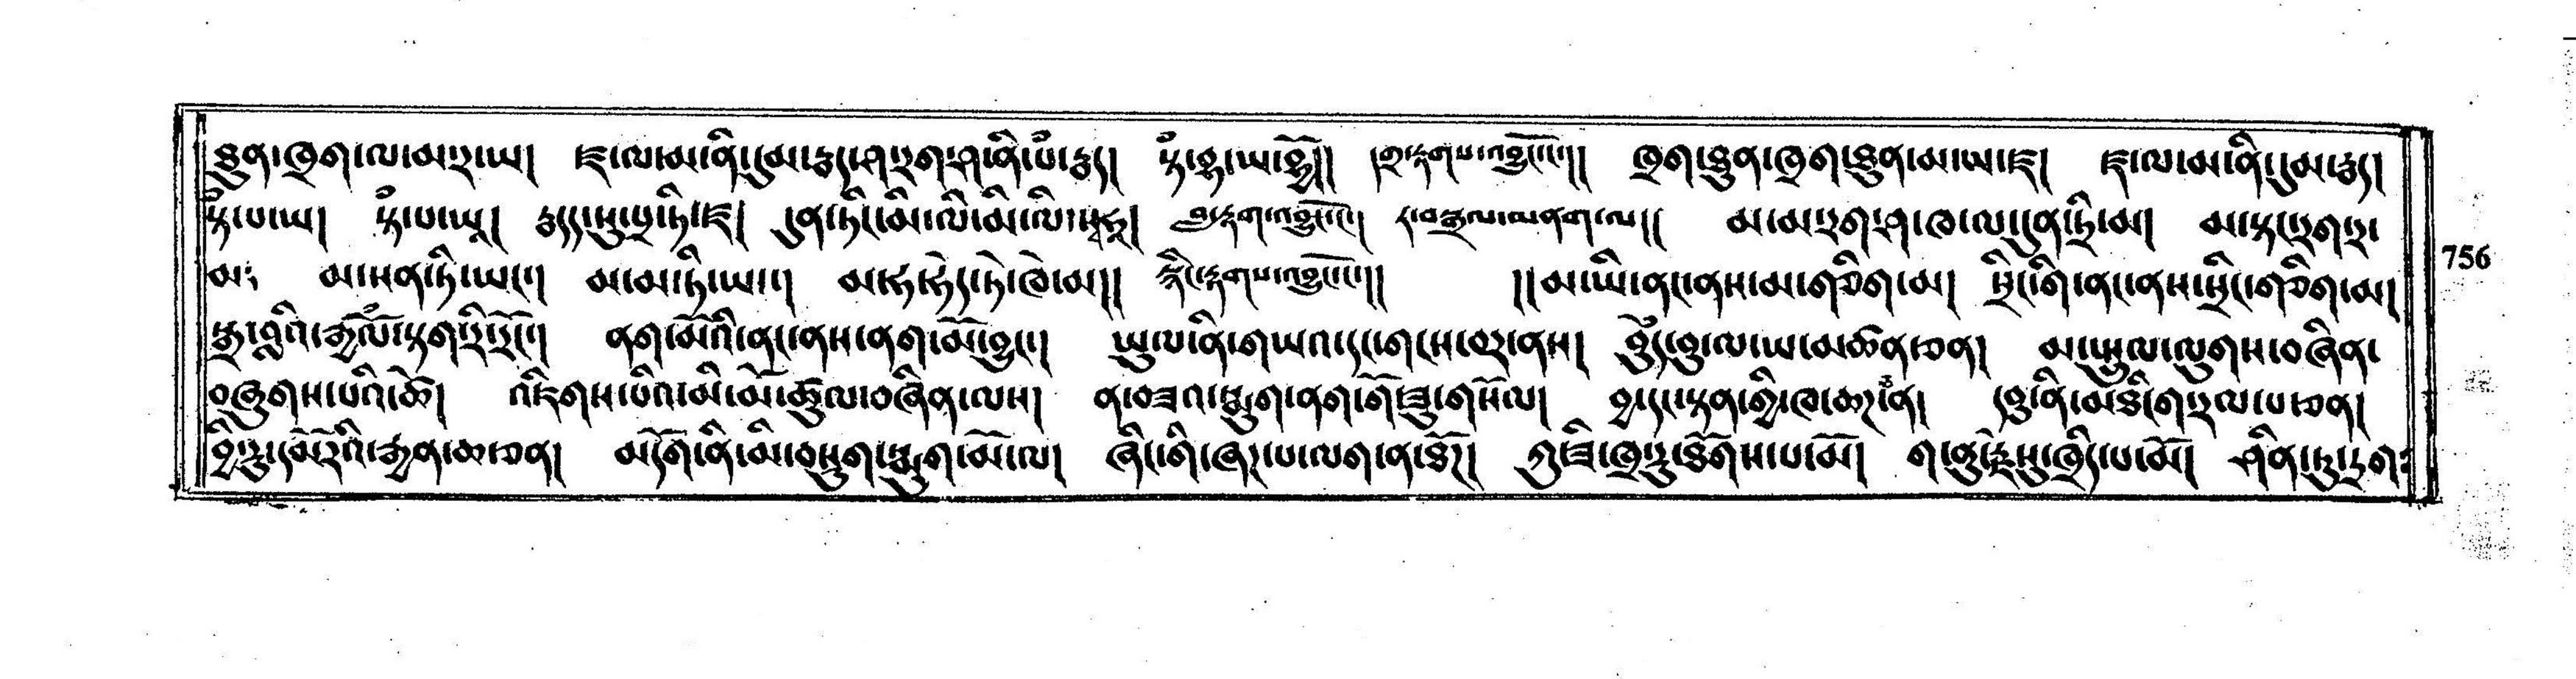ཐུན་ཁྲག་ལ་མ་ར་ཡ། ཛ་ལ་མ་ནི་དུམ་རྦད་ཤ་རག་ཤ་ནི་པཾ་རྦད། སྟཾ་བྷ་ཡ་བྷྱོ།། དགྲ་རྟགས་འབྱུང་ངོ་།། ཁྲག་ཐུན་ཁྲག་ཐུན་མ་ཡ་ཛ། ཛ་ལ་མ་ནི་དུམ་རྦད། 
སྟཾ་པ་ཡ། སྟཾ་པ་ཡཱ། རྦད་རྦད་སུ་པྲ་ཏི་ཛ། དུན་ཏིང་མི་ལི་མི་ལི་སྭཧཱ། བླ་རྟག་འབྱུང་ངོ་། ར་བསྒྲལ་མན་ངག་ལ།། མ་མ་རག་ཤ་ཁ་ལ་དུན་ཏྲི་མ། མ་སྟང་རག་ར་
མ། མ་སན་ཏི་ཡང་། མ་མ་ཏི་ཡང་། མ་ཧ་ཧེད་ཏེ་ཁེ་མ།། སྙིང་རྟགས་འབྱུང་ངོ་།། །།མ་ཡི་ནང་ནས་མ་གཅིག་མ། སྲིང་གི་ནང་ནས་སྲིང་གཅིག་མ། 
སྒྲ་བླའི་རྒྱལ་མོ་སྟག་རི་རོང་། ནག་མོའི་ནང་ནས་ནག་མོ་བྱུང་། ཡུལ་ནི་གཡའ་དང་གངས་བར་ནས། བུད་མེད་བུ་ལ་ཡ་མཚན་ཅན། མ་སྤྲུལ་ལུགས་བཞིན་
བཞུགས་པའི་ཚེ། འཇིགས་པའི་མི་མོ་ཚུལ་བཞིན་ལས། ན་བཟའ་སྨུག་ནག་གོ་ཟུ་གསོལ། བྱ་དང་སྟན་གྱི་ཁ་ཆགས་ཅན། དབུ་ནི་མཐིང་ནག་རལ་པ་ཅན། 
བྱི་རུ་དམར་པོའི་རྒྱན་ཆ་ཅན། མདོག་ནི་མི་བསྡུག་སྨུག་མོ་ལ། ཞིང་གི་ཞགས་པ་ལག་ན་ཐོགས། ཀུ་ཟི་ཁྲ་རུ་ཐོགས་པ་མོ། ག་ནུ་རྗེས་སུ་ཁྲིད་པ་མོ། ཤིན་ཏུ་དྲག་